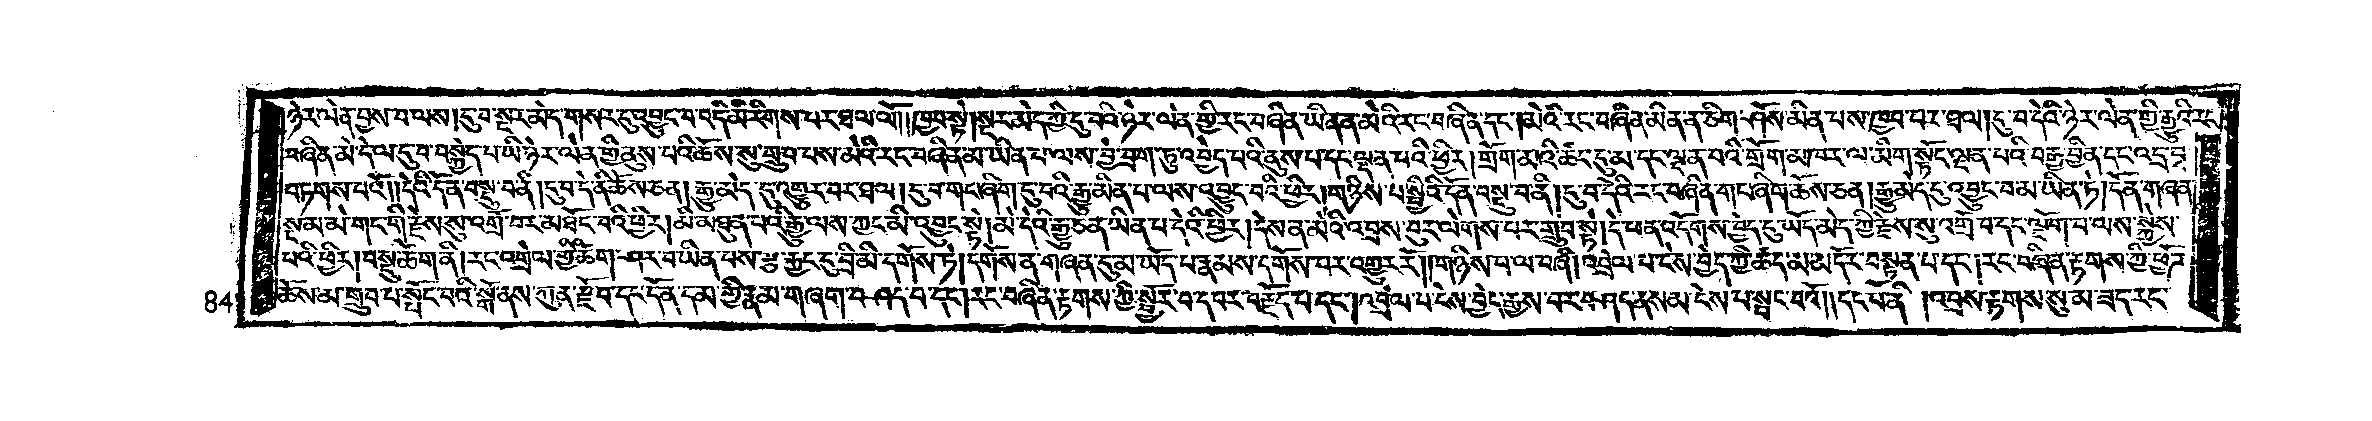ཉེར་ལེན་བྱས་པ་ལས། དུ་བ་སྔར་མེད་གསར་དུ་འབྱུང་བ་འདི་མི་རིགས་པར་ཐལ་ལོ། །ཁྱབ་སྟེ། སྔར་མེད་ཀྱི་དུ་བའི་ཉེར་ལེན་གྱི་རང་བཞིན་ཡིན་ན་མེའི་རང་བཞིན་དང་། མེའི་རང་བཞིན་མིན་ན་ཅིག་ཤོས་མིན་པས་ཁྱབ་པར་ཐལ། དུ་བ་དེའི་ཉེར་ལེན་གྱི་རྒྱུའི་རང་
བཞིན་མེ་དེ་ལ་དུ་བ་བསྐྱེད་པ་ཡི་ཉེར་ལེན་གྱི་ནུས་པའི་ཆོས་སུ་གྲུབ་པས་མེའི་རང་བཞིན་མ་ཡིན་པ་ལས་བྱེ་བྲག་ཏུ་འབྱེད་པའི་ནུས་པ་དང་ལྡན་པའི་ཕྱིར། གྲོག་མའི་ཚང་དུ་མ་དང་ལྡན་པའི་གྲོག་མཁར་ལ་མིག་སྟོང་ལྡན་པའི་བརྒྱ་བྱིན་དང་འདྲ་བྭ།
བཏགས་པའོ། །དེའི་དོན་བསྡུ་བ་ནི། དུ་བ་དེ་ནི་ཆོས་ཅན། རྒྱུ་མེད་དུ་འགྱུར་བར་ཐལ། དུ་བ་གང་ཞིག་དུ་བའི་རྒྱུ་མིན་པ་ལས་འབྱུང་བའི་ཕྱིར། གཉིས་པ་སྤྱིའི་དོན་བསྡུ་བ་ནི། དུ་བ་དེའི་རང་བཞིན་གང་ཞིག་ཆོས་ཅན། རྒྱུ་མེད་དུ་འབྱུང་བ་མ་ཡིན་ཏེ། དོན་གཞན་
སྔ་མ་མེ་གང་གི་རྗེས་སུ་འགྲོ་བར་མཐོང་བའི་ཕྱིར། མི་མཐུན་པའི་རྒྱུ་ལས་ཀྱང་མི་འབྱུང་སྟེ། མེ་དེའི་རྒྱུ་ཅན་ཡིན་པ་དེའི་ཕྱིར། དེས་ན་མེའི་འབྲས་བུར་ལེགས་པར་གྲུབ་སྟེ། དེ་ཕན་འདོགས་བྱེད་དུ་ཡོད་མེད་ཀྱ་རྗེས་སུ་འགྲོ་བ་དང་ལྡོག་པ་ལས་སྐྱེས་
པའི་ཕྱིར། བསྡུ་ཚིག་ནི། རང་འགྲེལ་གྱི་ཚིག་ཤར་བ་ཡིན་པས་རྩ་རྐྱང་དུ་བྲི་མི་དགོས་ཏེ། དགོས་ན་གཞན་དུ་མ་ཡོད་པ་རྣམས་དགོས་པར་འགྱུར་རོ། །གཉིས་པ་ལ་བཞི། འབྲེལ་པ་ངེས་བྱེད་ཀྱི་ཚད་མ་མདོར་བསྟན་པ་དང་།རང་བཞིན་རྟགས་ཀྱི་ཕྱོགས་
ཆོས་མ་གྲུབ་པ་སྤོང་བའི་སྒོ་ནས་ཀུན་རྫོབ་དང་དོན་དམ་གྱི་རྣམ་གཞག་བཤད་པ་དང་། རང་བཞིན་རྟགས་ཀྱི་སྦྱོར་བ་དཔར་བརྗོད་པ་དང་། འབྲེལ་པ་ངེས་བྱེད་རྒྱས་པར་བཤད་ནས་མ་ངེས་པ་སྤང་བའོ། །དང་པོ་ནི་།འབྲས་རྟགས་སུ་མ་ཟད་རང་